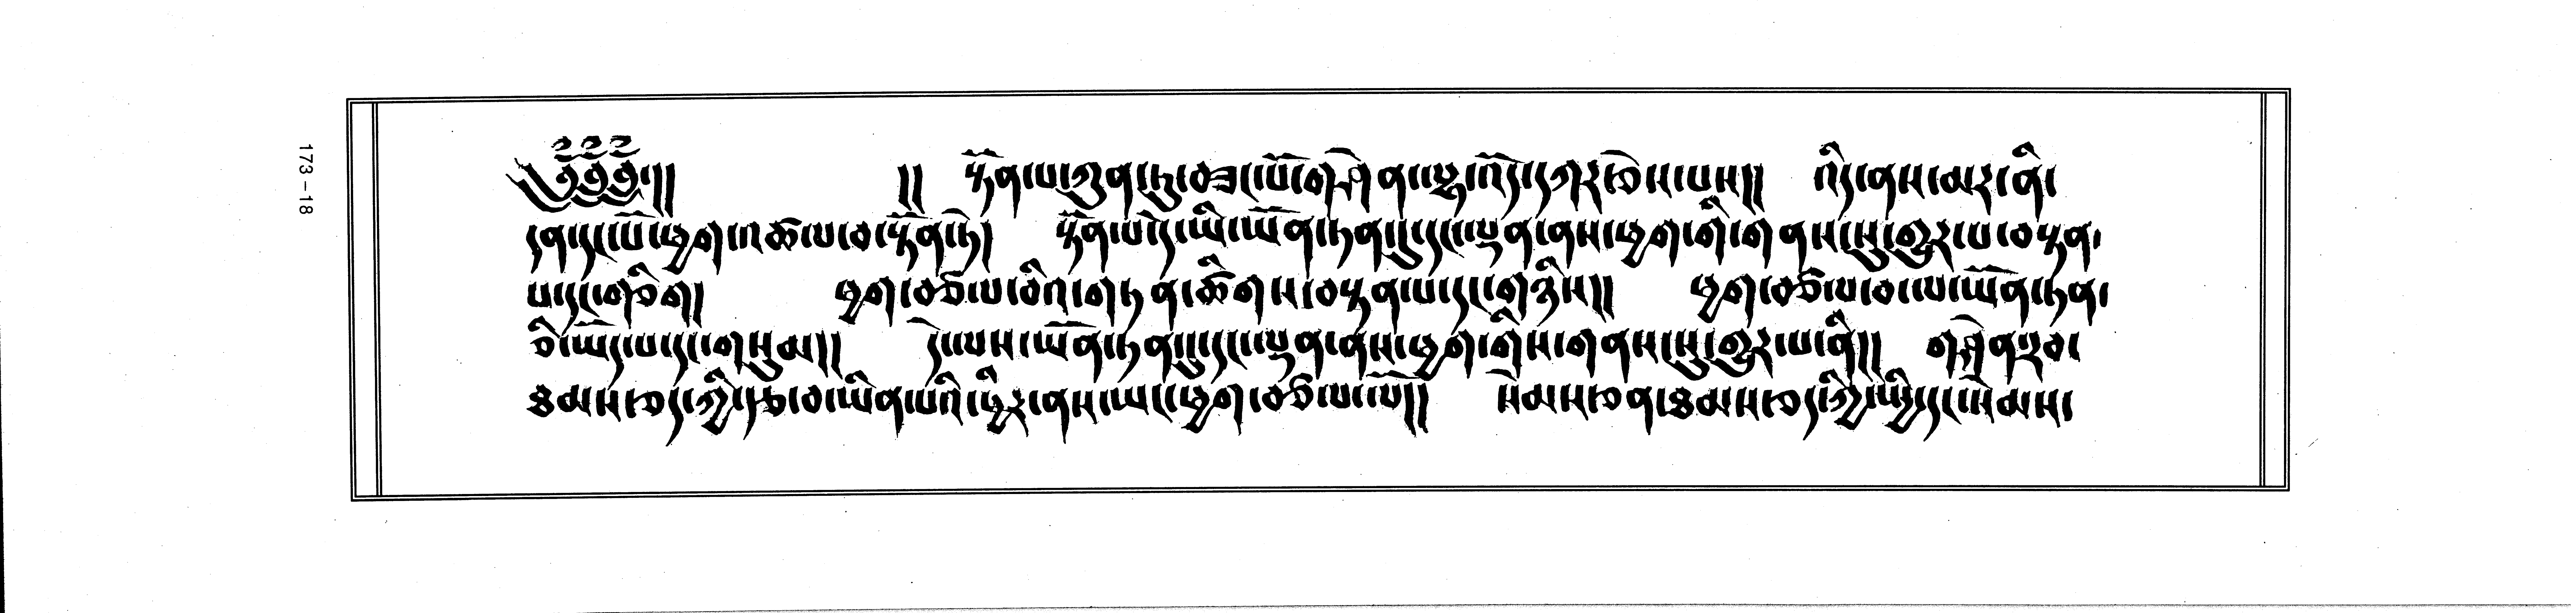༄༅།། །།སྟོན་པ་ཀུན་ཏུ་བཟང་པོ་གཤེན་ལྷ་འོད་དཀར་ཅེས་པས། འདི་ནས་མར་ནི་
དོན་དང་པོ་ཕྱག་འཚལ་བ་སྟོན་ཏེ། སྟོན་པ་དེ་ཡི་ཡོན་ཏན་དུ་དང་ལྡན་ནས་ཕྱག་གི་གནས་སུ་གྱུར་པ་བསྟན་
པ་དང་གཅིག ཕྱག་བཙལ་བའི་གཏན་ཚིགས་བསྟན་པ་དང་གཉིས། ཕྱག་བཙལ་བ་ལ་ཡོན་ཏན་
ཅི་ཡོད་པ་དང་གསུམ། དེ་ལས་ཡོན་ཏན་དུ་དང་ལྡན་ནས་ཕྱག་གི་གནས་སུ་གྱུར་པ་ནི། གཤེན་རབ་
ཐམས་ཅད་ཀྱི་རྩ་བ་ཡིན་པའི་ཕྱིར་ནས་ཡང་ཕྱག་བཙལ་ལོ། །སེམས་ཅན་ཐམས་ཅད་ཀྱི་སྤྱི་དང་སེམས་